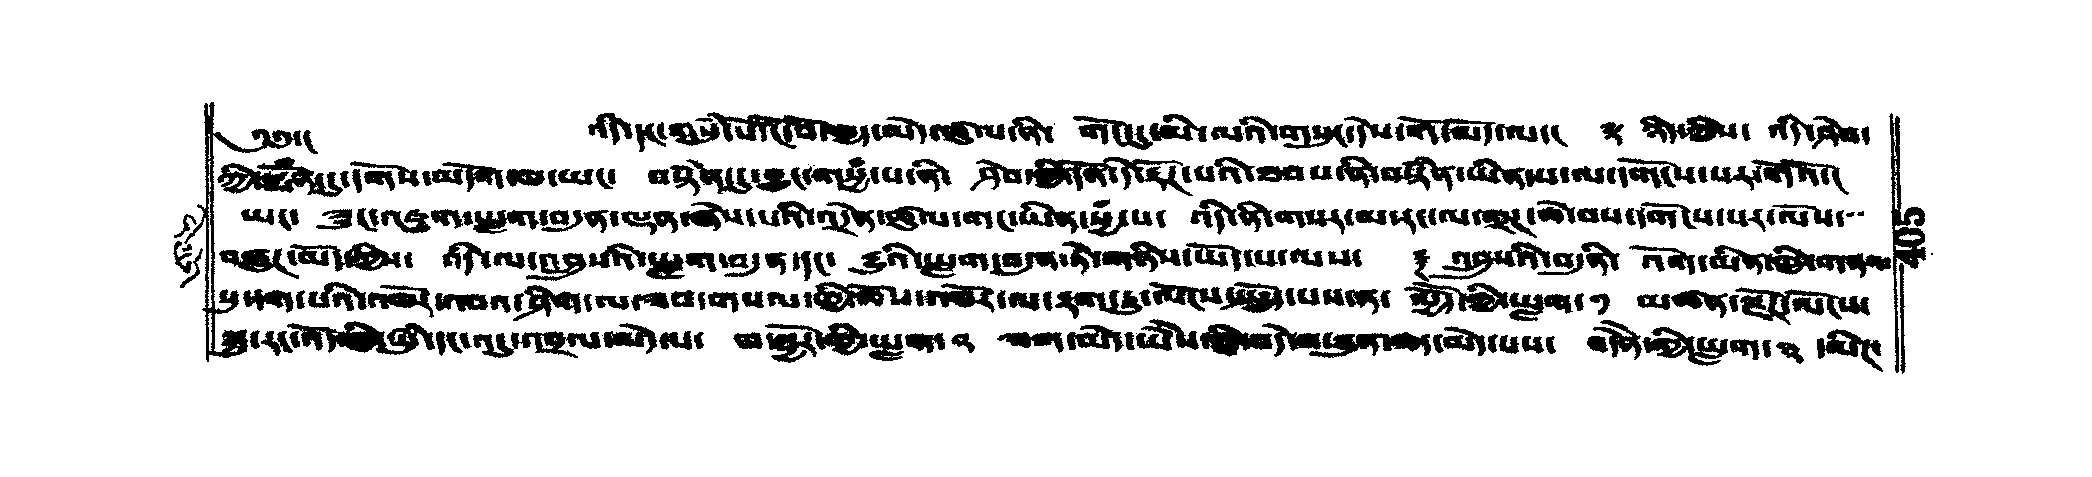འདི་དང་གསུམ་པོ་ངོ་བོ་ཁྱད་མེད་ཚུལ་ནི། གོང་དུ་མི་ལའི་གསུང་དེས་གོ་མོད་ལ། ཉིད་ཀྱིས། འདི་ཤེས་རབ་
ཀྱི་སྨོན་ལམ་དུ་དགོས་མདོག་ཁ་ཡང་། བསམ་གཏན་དུ་བྱུང་གསུངས་པ་ནི། ཤེས་རབ་ཀྱི་དོན་དེ་རྟོགས་པའི་ཐབས་ནི་བསམ་གཏན་ཡིན་པ་ལ་དགོངས་པར་གོའོ། 
ཡང་ཟུང་འཇུག་ཡན་ལག་བདུན་ལྡན་ཞེས་པའི་འདྲེན་ཚུལ་གང་ཡིན་གསུངས་པ་འདི་ནི་གསར་མ་རང་ལ་གྲགས་ཆེ་བས་དགོངས་པར་ལོས་
བཞུགས་མོད་ཀྱིས། འདི་ལ་འབྲས་བུའི་ཡན་ལག་བདུན་དང་། རྒྱུའི་ཡན་ལག་བདུན་ཏེ་གཉིས་ཡོད་པ་ལས། འབྲས་བུའི་བདུན་ནི། འོག་མིན་གྱི་གནས་
སུ་དག་པའི་འཁོར་འབའ་ཤིག་ལ་ཟབ་གསལ་གྱི་ཆོས་འཁོར་ལ་རྟག་ཏུ་ལོངས་སྤྱོད་པས་ན། ལོངས་སྤྱོད་ཀྱི་ལན་ཡག མཚན་རྫོགས་ལོངས་
སྐུ་རང་འོད་ཀྱི་ཡུམ་དང་འདུ་འབྲལ་མེད་པ། ཁ་སྦྱོར་གྱི་ཡན་ལག ཟག་མེད་ཡེ་ཤེས་ཀྱི་བདེ་བ་རྒྱུན་ཆད་མེད་པས། བདེ་ཆེན་གྱི་ཡན་ལག དམིགས་